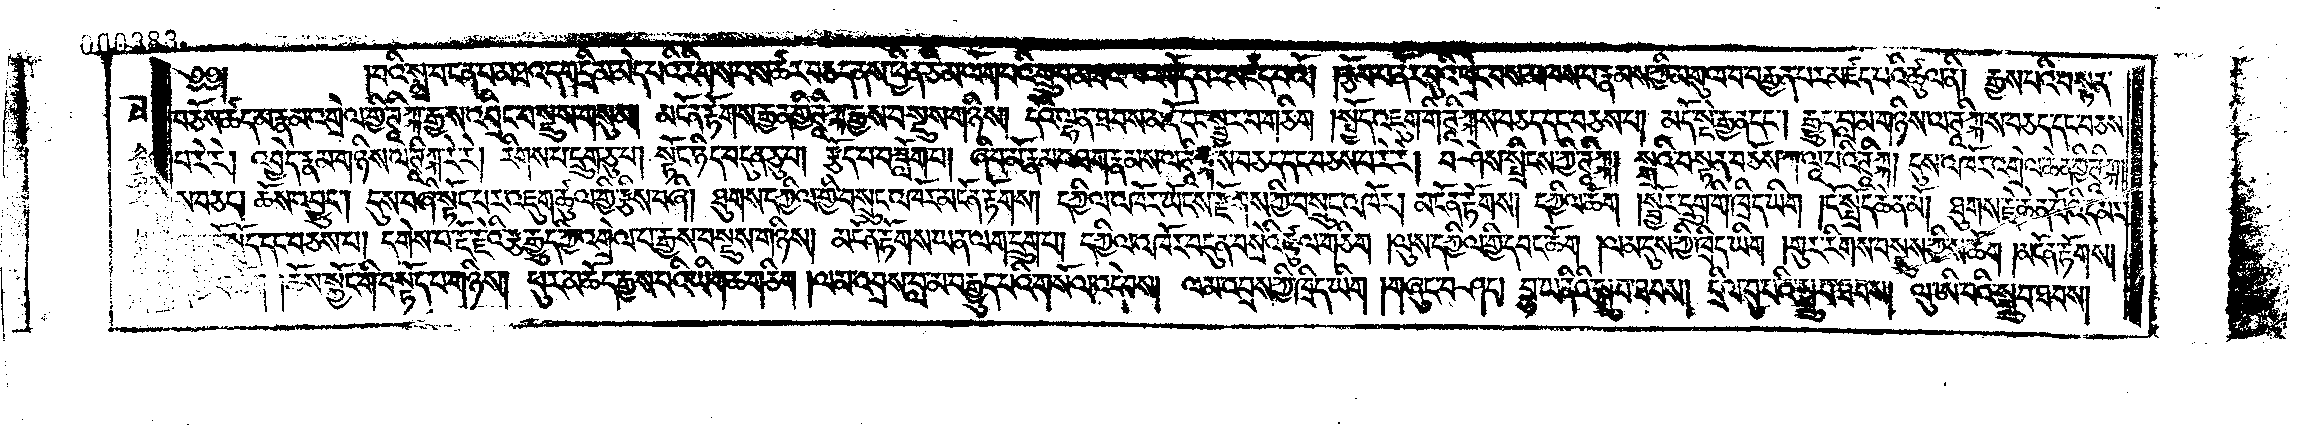༄༅། །བའི་སྨྲ་བ་ངན་པ་མཐའ་དག་དྲི་མ་མེད་པའི་རིགས་པས་ཚར་བཅད་ནས་ཕྱིན་ཅི་མ་ལོག་པའི་གྲུབ་མཐའ་ལ་འགོད་པར་མཛད་པའོ། །རྩོམ་པ་ནོར་བུའི་ཕྲེང་བས་མཁས་པ་རྣམས་ཀྱི་མགུལ་བ་བརྒྱན་པར་མཛད་པའི་ཚུལ་ནི། རྒྱས་པའི་བསྟན་
བཅོས་ཚད་མ་རྣམ་འགྲེལ་གྱི་ཊཱིཀྐ་རྒྱས་འབྲིང་བསྡུས་གསུམ། མངོན་རྟོགས་རྒྱན་གྱི་ཊཱིཀྐ་རྒྱས་བསྡུས་གཉིས། དེའི་ལྷན་ཐབས་མདོ་དང་སྦྱར་བ་གཅིག །སྤྱོད་འཇུག་གི་ཊཱིཀྐ་ས་བཅད་དང་བཅས་པ། མདོ་སྡེ་རྒྱན་དང་། རྒྱུད་བླ་མ་གཉིས་ལ་ཊཱིཀྐ་ས་བཅད་དང་བཅས་
པ་རེ་རེ། འབྱེད་རྣམ་གཉིས་ལ་ཊཱིཀྐ་རེ་རེ། རིགས་པ་དྲུག་ཅུ་པ། སྟོང་ཉིད་བདུན་ཅུ་པ། རྩོད་པ་བཟློག་པ། ཞིབ་མོ་རྣམ་འཐག་རྣམས་ལ་ཊཱིཀྐ་ས་བཅད་དང་བཅས་པ་རེ་རེ། བཤེས་སྤྲིངས་ཀྱི་ཊཱིཀྐ། སྒྲའི་བསྟན་བཅོས་ཀ་ལཱ་པའི་ཊཱིཀྐ། དུས་འཁོར་འགྲེལ་ཆེན་གྱི་ཊཱིཀྐ།
ས་བཅད། ཆོས་འབྱུང་། དུས་བཞི་སྟོང་པར་འཇུག་ཚུལ་གྱི་རྩིས་བཞི། ཐུགས་དཀྱིལ་གྱི་བསྲུང་འཁོར་མངོན་རྟོགས། དཀྱིལ་འཁོར་ཡོངས་རྫོགས་ཀྱི་བསྲུང་འཁོར། མངོན་རྟོགས། དཀྱིལ་ཆོག །སྦྱོར་དྲུག་གི་ཁྲིད་ཡིག །ངོ་སྤྲོད་ཆེན་མོ། ཐུགས་རྗེ་ཆེན་པོའི་དམར་
ཁྲིད་ངོ་སྤྲོད་དང་བཅས་པ། དགེས་པ་རྡོ་རྗེའི་རྩ་རྒྱུད་ཀྱི་འགྲེལ་པ་རྒྱས་བསྡུས་གཉིས། མངོན་རྟོགས་ཡན་ལག་དྲུག་པ། དཀྱིལ་འཁོར་བདུན་བསྲེའི་ཚུལ་གཅིག །ལུས་དཀྱིལ་གྱི་དབང་ཆོག །ལམ་དུས་ཀྱི་ཁྲིད་ཡིག །གུར་རིགས་བསྡུས་ཀྱིས་ཆོག །མངོན་རྟོགས།
དཀྱིལ་ཆོག །ཆོས་སྐྱོང་གི་བསྟོད་པ་གཉིས། ཕུར་མཆོད་རྒྱས་པའི་ཡིག་ཆ་གཅིག །ལམ་འབྲས་བླ་མ་བརྒྱུད་པའི་གསོལ་འདེབས། ལམ་འབྲས་ཀྱི་ཁྲིད་ཡིག །གཞུང་བཤད། བྷ་ཡ་ནིའི་སྒྲུབ་ཐབས། དྲིལ་བུ་པའི་སྒྲུབ་ཐབས། ལུ་ཨི་བའི་སྒྲུབ་ཐབས།